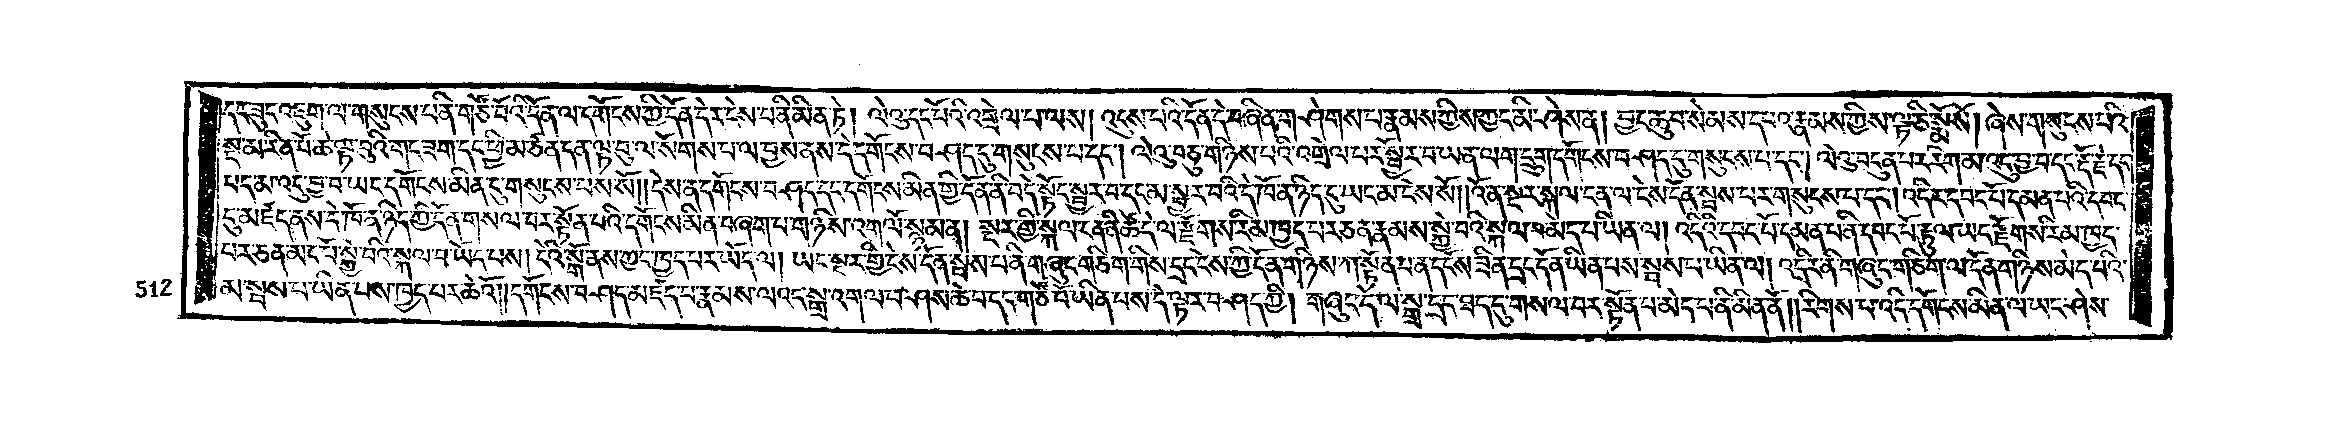དང་ཟུང་འཇུག་ལ་གསུངས་པ་ནི་གཙོ་བོའི་དོན་ལ་དགོངས་ཀྱི་དོན་དེར་ངེས་པ་ནི་མིན་ཏེ། ལེའུ་དང་པོའི་འགྲེལ་པ་ལས། འདུས་པའི་དོན་དེ་བཞིན་གཤེགས་པ་རྣམས་ཀྱིས་ཀྱང་མི་ཤེས་ན། བྱང་ཆུབ་སེམས་དཔའ་རྣམས་ཀྱིས་ལྟ་ཅི་སྨོས། ཞེས་གསུངས་པའི་
སྔ་མ་རིན་པོ་ཆེ་ལྟ་བུའི་གང་ཟག་དང་ཕྱི་མ་ཙན་དན་ལྟ་བུ་ལ་སོགས་པ་ལ་བྱས་ནས་དེ་དགོངས་བཤད་དུ་གསུངས་པ་དང་། ལེའུ་བཅུ་གཉིས་པའི་འགྲེལ་པར་སྦྱོར་བ་ཡན་ལག་དྲུག་དགོངས་བཤད་དུ་གསུངས་པ་དང་། ལེའུ་བདུན་པར་རིག་མ་འདུ་བྱ་བ་དང་རྡོ་རྗེ་དང་
པད་མ་འདུ་བྱ་བ་ཡང་དགོངས་མིན་དུ་གསུངས་པས་སོ། །དེས་ན་དགོངས་བཤད་དང་དགོངས་མིན་གྱི་དོན་ནི་བདེ་སྟོང་སྦྱར་བ་དང་མ་སྦྱར་བའི་དེ་ཁོ་ན་ཉིད་དུ་ཡང་མ་ངེས་སོ། །འོ་ན་སྔར་སྐལ་ངན་ལ་ངེས་དོན་སྦས་པར་གསུངས་པ་དང་། འདིར་དབང་པོ་དམན་པའི་དབང་
དུ་མཛད་ནས་དེ་ཁོ་ན་ཉིད་ཀྱི་དོན་གསལ་བར་སྟོན་པའི་དགོངས་མིན་བཞག་པ་གཉིས་འགལ་ལོ་སྙམ་ན། སྔར་གྱི་སྐལ་ངན་ནི་ཚེ་དེ་ལ་རྫོགས་རིམ་ཁྱད་པར་ཅན་རྣམས་སྐྱེ་བའི་སྐལ་བ་མེད་པ་ཡིན་ལ། འདིའི་དབང་པོ་དམན་པ་ནི་དབང་པོ་རྟུལ་ཡང་རྫོགས་རིམ་ཁྱད་
པར་ཅན་མང་པོ་སྐྱེ་བའི་སྐལ་བ་ཡོད་པས། དེའི་སྒོ་ནས་ཀྱང་ཁྱད་པར་ཡོད་ལ། ཡང་སྔར་གྱི་ངེས་དོན་སྦས་པ་ནི་གཞུང་གཅིག་གིས་དྲང་ངེས་ཀྱི་དོན་གཉིས་ཀ་སྟོན་པ་ན་དངོས་ཟིན་དྲང་དོན་ཡིན་པས་སྦས་པ་ཡིན་ལ། འདིར་ནི་གཞུང་གཅིག་ལ་དོན་གཉིས་མེད་པའི་
མ་སྦས་པ་ཡིན་པས་ཁྱད་པར་ཆེའོ། །དགོངས་བཤད་མཛད་པ་རྣམས་ལའང་སྒྲ་འགལ་བ་ཤས་ཆེ་བ་དང་གཙོ་བོ་ཡིན་པས་དེ་ལྟར་བཤད་ཀྱི། གཞུང་དེ་ལ་སྒྲ་དྲང་ཐད་དུ་གསལ་བར་སྟོན་པ་མེད་པ་ནི་མིན་ནོ། །རིགས་པ་འདི་དགོངས་མིན་ལ་ཡང་ཤེས་